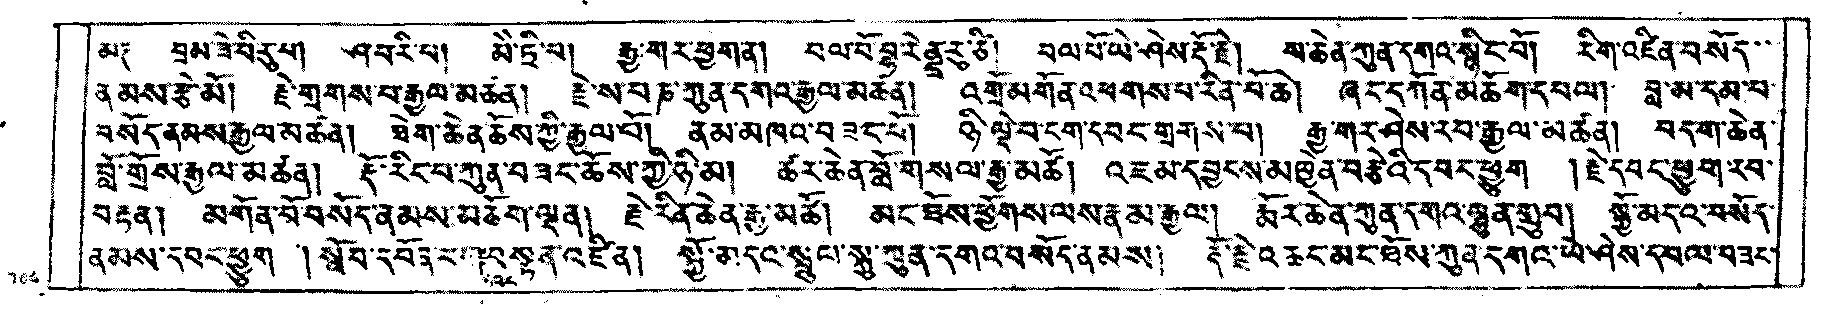མ༑ བྲམ་ཟེ་བི་རུ་པ། ཤ་བ་རི་པ། མཻ་ཏྲི་པ། རྒྱ་གར་ཕྱག་ན། བལ་པོ་བྷ་རེནྡྲ་རུ་ཙི། བལ་པོ་ཡེ་ཤེས་རྡོ་རྗེ། ས་ཆེན་ཀུན་དགའ་སྙིང་པོ། རིག་འཛིན་བསོད་
ནམས་རྩེ་མོ། རྗེ་གྲགས་པ་རྒྱལ་མཚན། རྗེ་ས་པཎ་ཀུན་དགའ་རྒྱལ་མཚན། འགྲོ་མགོན་འཕགས་པ་རིན་པོ་ཆེ། ཞང་དཀོན་མཆོག་དཔལ། བླ་མ་དམ་པ་
བསོད་ནམས་རྒྱལ་མཚན། ཐེག་ཆེན་ཆོས་ཀྱི་རྒྱལ་པོ། ནམ་མཁའ་བཟང་པོ། ཉི་ལྡེ་བ་ངག་དབང་གྲགས་པ། རྒྱ་གར་ཤེས་རབ་རྒྱལ་མཚན། བདག་ཆེན་
བློ་གྲོས་རྒྱལ་མཚན། རྡོ་རིང་པ་ཀུན་བཟང་ཆོས་ཀྱི་ཉི་མ། ཚར་ཆེན་བློ་གསལ་རྒྱ་མཚོ། འཇམ་དབྱངས་མཁྱེན་བརྩེའི་དབང་ཕྱུག །རྗེ་དབང་ཕྱུག་རབ་
བརྟན། མགོན་པོ་བསོད་ནམས་མཆོག་ལྡན། རྗེ་རིན་ཆེན་རྒྱ་མཚོ། མང་ཐོས་ཕྱོགས་ལས་རྣམ་རྒྱལ། རྨོར་ཆེན་ཀུན་དགའ་ལྷུན་གྲུབ། སྐྱོ་མདའ་བསོད་
ནམས་དབང་ཕྱུག །སློབ་དཔོན་ངག་དབང་བསྟན་འཛིན། སྐྱོ་མདའ་སྤྲུལ་སྐུ་ཀུན་དགའ་བསོད་ནམས། རྡོ་རྗེ་འཆང་མང་ཐོས་ཀུན་དགའ་ཡེ་ཤེས་དཔལ་བཟང་